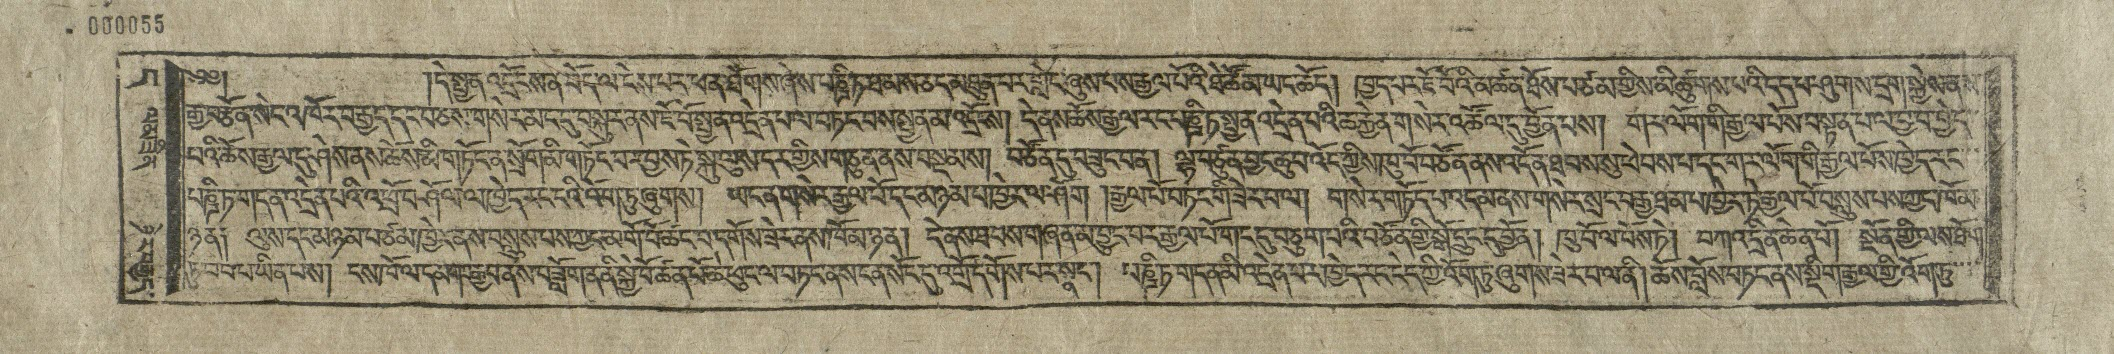༄༅། །དེ་སྤྱན་འདྲོངས་ན་བོད་ལ་ངེས་པར་ཕན་ཐོགས་ཞེས་པཎྜི་ཏ་ཐམས་ཅད་མཐུན་པར་གླེང་ཞུས་པས་རྒྱལ་པོའི་ཐེ་ཚོམ་ཡང་ཆོད། ཁྱད་པར་ཇོ་བོའི་མཚན་ཐོས་པ་ཙམ་གྱིས་མི་ཚུགས་པའི་དད་པ་ཤུགས་དྲག་སྐྱེས་ནས་
རྒྱ་བརྩོན་སེང་འཁོར་བརྒྱད་དང་བཅས་གསེར་མང་དུ་བསྐུར་ནས་ཇོ་བོ་སྤྱན་འདྲེན་པ་ལ་བཏང་བས་སྤྱན་མ་འདྲོངས། དེ་ནས་ཆོས་རྒྱལ་རང་པཎྜི་ཏ་སྤྱན་འདྲེན་པའི་ཆ་རྐྱེན་གསེར་འཚོལ་དུ་བྱོན་པས། གར་ལོག་གི་རྒྱལ་པོས་བསྟན་པ་ལ་བྱ་བ་བྱེད་
པའི་ཆོས་རྒྱལ་དུ་ཤེས་ནས་ཆོས་མི་གཏོང་ན་སྲོག་མི་གཏོང་བར་བྱས་ཏེ་སྐུ་ལུས་དར་གྱིས་གཅུན་ནས་བསྡམས། བཙོན་དུ་བཟུང་བ་ན། ལྷ་བཙུན་བྱང་ཆུབ་འོད་ཀྱིས་ཁུ་བོ་བཙོན་ནས་འདོན་ཐབས་སུ་ཕེབས་པ་དང་གར་ལོག་གི་རྒྱལ་པོས་ཁྱེད་རང་
པཎྜི་ཏ་གདན་འདྲེན་པའི་འཕྲོ་བཤོལ་ལ་ཁྱེད་རང་ངའི་འོག་ཏུ་ཞུགས། ཡང་ན་གསེར་རྒྱལ་པོ་དང་མཉམ་པ་ཁྱེར་ལ་ཤོག །རྒྱལ་པོ་བཏང་གི་ཟེར་བ་ལ། གསེར་གཏོད་པ་འདམ་ནས་གསེར་སྲང་བརྒྱ་ཐམ་པ་ཁྱེར་ཏེ་རྒྱལ་པོ་བསླུས་པས་ཀྱང་ཁོ་མ་
ཉན༑ ལུས་དང་མཉམ་པ་ཙམ་ཁྱེར་ནས་བསླུས་པས་ཀྱང་མགོ་བོ་ཚང་བ་དགོས་ཟེར་ནས་ཁོ་མ་ཉན། དེ་ནས་ཐབས་གཞན་མ་བྱུང་བར་རྒྱལ་པོ་གང་དུ་བཅུག་པའི་བཙོན་གྱི་སྒོ་དྲུང་དུ་བྱོན། ཁུ་བོ་ལ་བོས་ཏེ། བཀའ་དྲིན་ཆེན་པོ། སྔོན་གྱི་ལས་ཐོག་
ཏུ་བབ་པ་ཡིན་པས། ངས་ཁོ་ལ་དམག་བརྒྱབ་ནས་བཟློག་ན་ནི་སྐྱེ་བོ་ཚན་པོ་ཆེ་ཕུང་ལ་བཏང་ནས་ངན་སོང་དུ་འགྲོ་དགོས་པར་སྣང་། པཎྜི་ཏ་གདན་མི་འདྲེན་པར་ཁྱེད་རང་ངེད་ཀྱི་འོག་ཏུ་ཞུགས་ཟེར་བ་ལ་ནི། ཆོས་བློས་བཏང་ནས་སྡིག་རྒྱལ་གྱི་འོག་ཏུ་